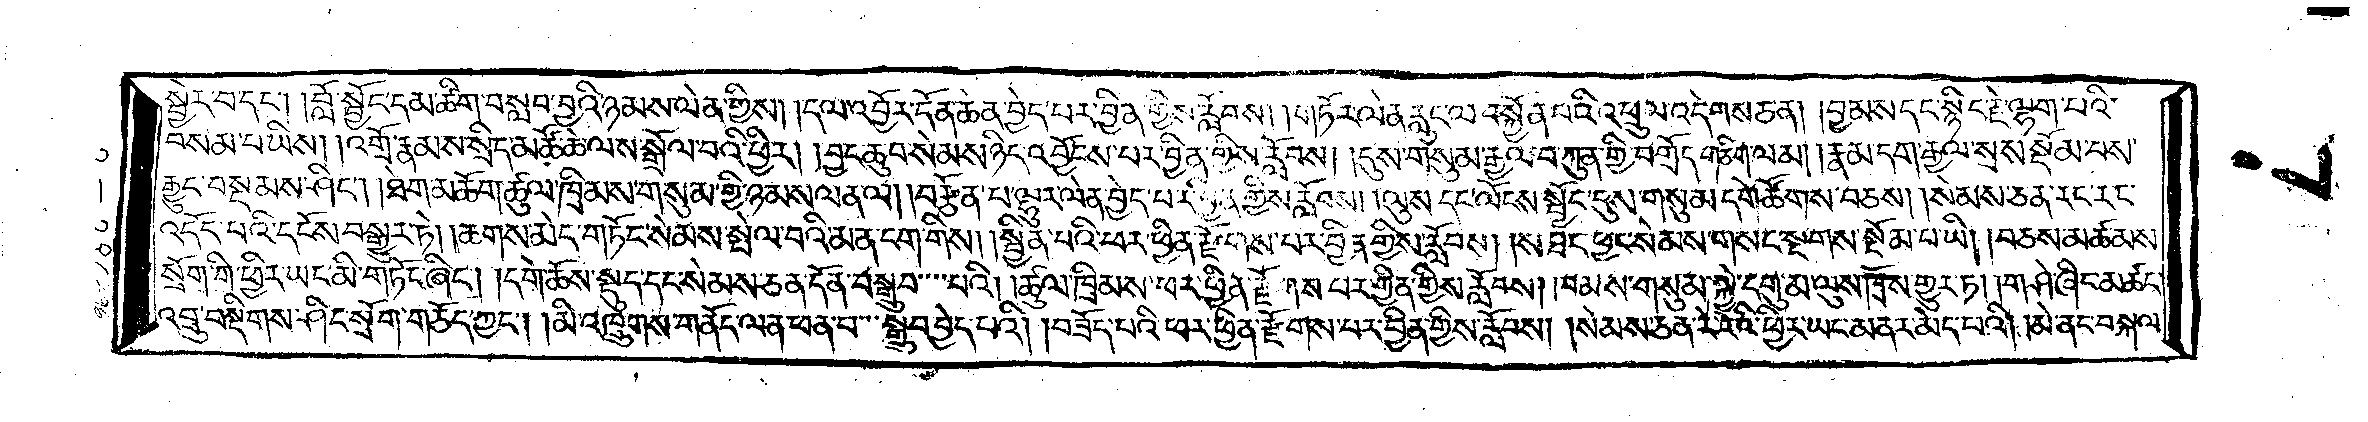སྦྱོར་བ་དང་། །བློ་སྦྱོང་དམ་ཚིག་བསླབ་བྱའི་ཉམས་ལེན་གྱིས། །དལ་འབྱོར་དོན་ཆེན་བྱེད་པར་བྱིན་གྱིས་རློབས། །གཏོར་ལེན་རླུང་ལ་བསྐྱོན་བའི་འཕྲུལ་བདེགས་ཅན། །བྱམས་དང་སྙིང་རྗེ་ལྷག་པའི་
བསམ་པ་ཡིས། །འགྲོ་རྣམས་སྲིད་མཚོ་ཆེ་ལས་སྒྲོལ་བའི་ཕྱིར། །བྱང་ཆུབ་སེམས་ཉིད་འབྱོངས་པར་བྱིན་གྱིས་རློབས། །དུས་གསུམ་རྒྱལ་བ་ཀུན་གྱི་བགྲོད་གཅིག་ལམ། །རྣམ་དག་རྒྱལ་སྲས་སྡོ་པས་
རྒྱུང་བསྡམས་ཤིང་། །ཐེག་མཆོག་ཚུལ་ཁྲིམས་གསུམ་གྱི་ཉམས་ལན་ལ། །བརྩོན་པ་ལྷུར་ལེན་བྱེད་པར་བྱིན་གྱིས་རློབས། །ལུས་དང་ལོངས་སྤྱོད་དུས་གསུམ་དགེ་ཚོགས་བཅས། །སེམས་ཅན་རང་རང་
འདོད་པའི་དངོས་བསྒྱུར་ཏེ། །ཆགས་མེད་གཏོང་སེམས་སྤེལ་བའི་མན་ངག་གིས། །སྦྱིན་པའི་ཕར་ཕྱིན་རྫོགས་པར་བྱིན་གྱིས་རློབས། །ས་ཐང་ཕྱང་སེམས་གསང་སྔགས་སྡོམ་པ་ཡི། །བཅས་མཚམས་
སྲོག་གི་ཕྱིར་ཡང་མི་གཏོང་ཞིང་། །དགེ་ཆོས་སྡུད་དང་སེམས་ཅན་དོན་བསྒྲུབ་པའི། །ཚུལ་ཁྲིམས་ཕར་ཕྱིན་རྫོགས་པར་བྱིན་གྱིས་རློབས། ཁམས་གསུམ་སྐྱེ་དགུ་མ་ལུས་ཁྲོས་གྱུར་ཏེ། །གཤེ་ཞིང་མཚང་
འབྲུ་བསྡིགས་ཤིང་སྲོག་གཅོད་ཀྱང་། །མི་འཁྲུགས་གནོད་ལན་ཕན་པ་སྒྲུབ་བྱེད་པའི། །བཟོད་པའི་ཕར་ཕྱིན་རྫོགས་པར་བྱིན་གྱིས་རློབས། །སེམས་ཅན་རེ་རེའི་ཕྱིར་ཡང་མནར་མེད་པའི། །མེ་ནང་བསྐལ་